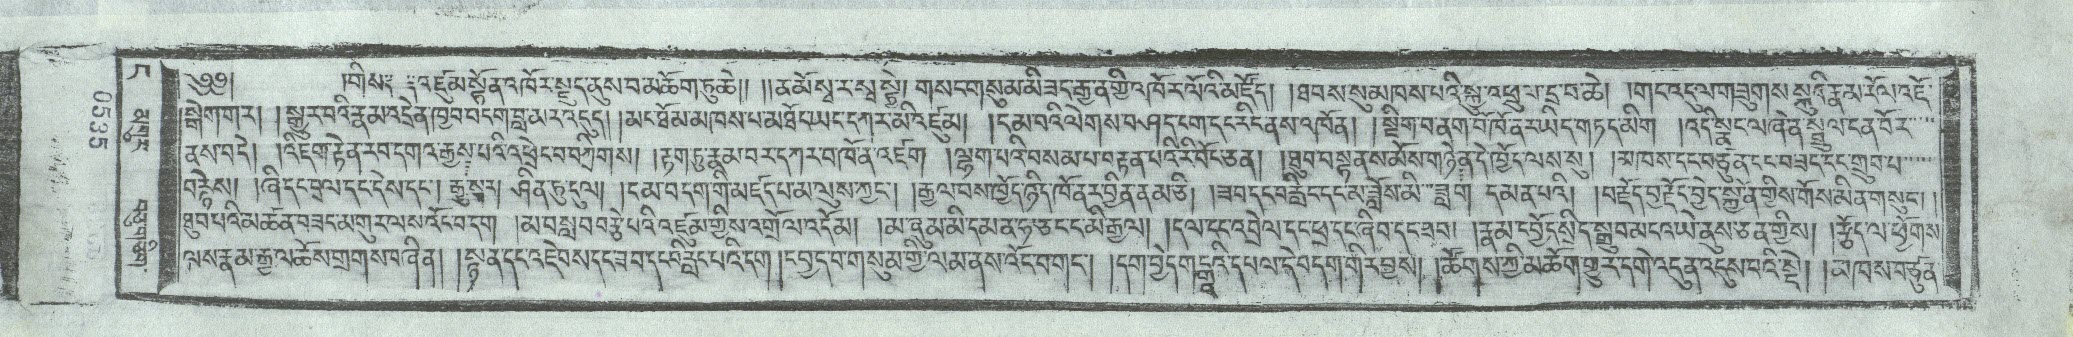༄༅། །གིས༑ ༑འཛུམ་སྟོན་འཁོར་སྡུད་ནུས་བ་མཆོག་ཏུ་ཆེ།། །།ན་མོ་སྭ་ར་སྭ་སྟེ། གསང་གསུམ་མི་ཟད་རྒྱ་ན་གྱི་འཁོར་ལོའི་མཛོད། །ཐབས་སུ་མཁས་པའི་སྒྱུ་འཕྲུལ་དྲ་བ་ཆེ། །གང་འདུ་ལ་གཟུགས་སྐུའི་རྣམ་རོལ་འཇོ་
སྒེག་གར། །སྒྱུར་བའི་རྣམ་འདྲེན་ཁྱབ་བདག་བླ་མར་འདུད། །མང་ཐོམ་མཁས་པ་མཐོང་ཡང་དཀར་མི་འཛུམ། །དམ་པའི་ལེགས་བཤད་ངག་དང་རིང་ནས་འཁོན། །སྡིག་བ་ནག་བོ་ཁོ་ནར་ཡིད་གཏད་མིག །འདི་སྣང་ལ་ཞེ་ན་སྦྲུལ་ངན་བོར་
ནས་བདེ། །འཇིག་རྟེན་རབ་དགའ་རྒྱས་པའི་འཕྲེང་བ་བཀྲིགས། །རྟག་ཏུ་རྣམ་བར་དཀར་བ་ཁོ་ན་འཛག །ལྷག་པའི་བསམ་པ་བརྟན་པའི་རི་བོང་ཅན། །ཐུབ་བསྟན་ས་མོས་གཉེན་དེ་ཁྱོད་ལས་སུ། །མཁས་དང་བཙུན་དང་བ་ཟད་དང་གྲུབ་པ་
བརྙེས། །ཞི་དང་བྲལ་དང་ངེས་དང་། རྒྱུ་སྐར། ཤིན་ཏུ་དུལ། །? དམ་བདག་གི་མཛད་པ་མ་ལུས་ཀྱང་། །རྒྱལ་བས་ཁྱོད་ཉིད་ཁོ་ནར་བྱིན་ནམ་ཅི། །ཟབ་དང་བརླིང་དང་མ་ཟློས་མི་ཟླག་དམན་པའི། །བརྗོད་བྱ་?རྗོད་བྱེད་སྐྱོན་གྱིས་གོས་མིན་གསུང་། །
ཐུབ་པའི་མཚན་བཟང་མགུར་ལས་འོང་བ་དག །མ་བསླབ་བརྩེ་པའི་འཛུམ་གྱིས་འགྲོ་ལ་འདོམ། །མ་ཞུམ་མི་དམན་ཧ་ཅང་ང་མི་རྒྱལ། །དལ་དང་འབྲེལ་དང་ཕྲ་དང་ཞིབ་དང་ཟབ། །རྣམ་དབྱོད་སྲིད་སྒྲུབ་མངའ་ཡེ་ནུས་ཅན་གྱིས། །རྩོད་ལ་ཕྱོགས་
ལས་རྣམ་རྒྱལ་ཆོས་གྲགས་བཞིན། །སྙན་དང་འཇེབས་དང་ཟབ་དང་བི་རླང་པའི་དག །དབྱད་བ་གསུམ་གྱི་ལམ་ནས་འོང་བ་གང་། །དག་བྱེད་གངྒཱའི་དཔལ་དེ་བདག་གིར་བྱས། །ཚོགས་ཀྱི་མཆོག་གྱུར་དགེ་འདུན་འདུས་པའི་སྡེ། །མཁས་བཙུན་